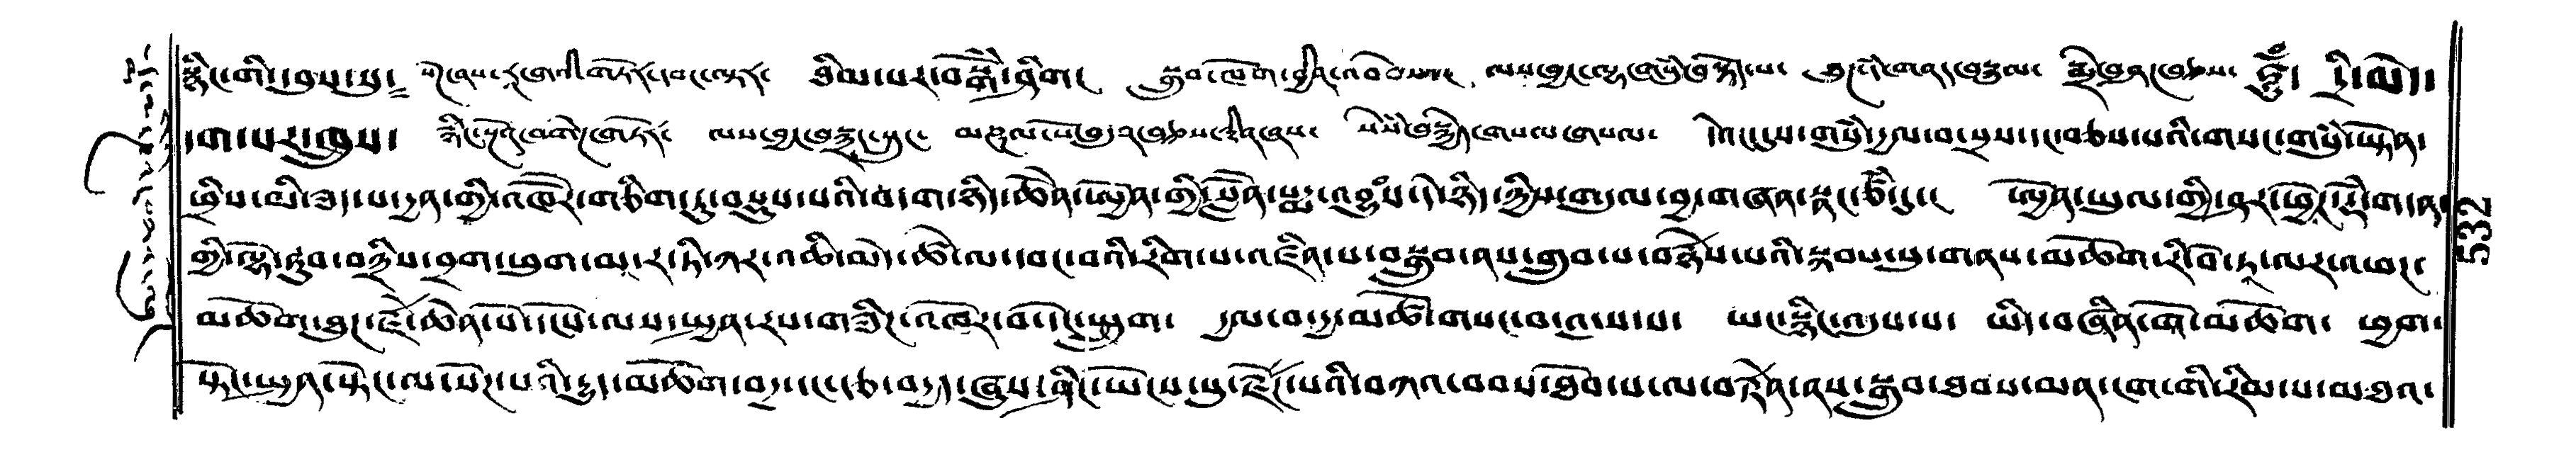སྙིང་གི་དབུས་སུ་སོགས་ནས་རཱ་གའི་གཏོར་དབང་ལྟར། ཐིམ་པར་སྒོམས་ཤིག སྒྲུབ་ཁོག་བྱིན་འབེབས་ལས་བྱང་ལྷ་གསུམ་བསྟོད་པ། ཐུགས་དམ་གནད་སྐུལ། སྨྲེ་བཤགས་བཅས། ཧཱུྃ། དྲི་མེད་
དག་པར་ཁྲུས་སྙིང་སྔོན་བགེགས་གཏོར་ལས་བྱང་སྐྲད་སྲུང་། མཎྜལ་སོ་བདུན་བཅས་ཟིན་ནས་སེམས་བསྐྱེད་གསལ། དེའང་དུས་གསུམ་རྒྱལ་བ་སྲས་དང་བཅས་པའི་གསང་གསུམ་ཡོན་ཏན་
ཕྲིན་ལས་མི་ཟད་པ་རྒྱན་གྱི་འཁོར་ལོ་གཅིག་ཏུ་བསྡུས་པའི་བདག་ཉིད་ཆེན་པོ་ཨོ་རྒྱན་གྱི་སློབ་དཔོན་པདྨ་འབྱུང་གནས་དེ་ཉིད་ཀྱིས་གདུལ་བྱ་གཞན་སྣང་ཙམ་དུ།ཨོ་རྒྱན་ཡུལ་གྱི་ཤར་ཕྱོགས་རྡོ་རྗེ་གདན་
གྱི་ལྷོ་ནུབ་བཀྲ་ཤིས་བྲག་ཕུག་མཱ་ར་ཏི་ཀར་འཆི་མེད་ཚེ་ལ་དབང་བའི་རིག་པ་འཛིན་པ་བསྒྲུབས་གནས་གྲུབ་པ་བརྙེས་པའི་སྐབས་སུ་གནས་མཆོག་རི་བོ་ཏཱ་ལར་འཕགས་
མཆོག་ཐུགས་རྗེ་ཆེན་པོ་དངཽས་ལས་སྤྱན་རས་གཟིགས་འཁོར་བ་དོང་སྤྲུག རྒྱལ་བ་རྒྱ་མཚོ་གསང་བ་འདུས་པ། ཡང་སྙིང་འདུས་པ། ཡིད་བཞིན་གོ་མཆོག ཕྱག་
སྟོང་སྤྱན་སྟོང་ལ་སོགས་པའི་རྒྱུད་མཆོག་བརྒྱ་དང་རྩ་བརྒྱད་ཞུས་ཤིང་ཡོངས་སུ་རྫོགས་པའི་བཀའ་བབས་ཐོབ་པ་ལ་བརྟེན་ནས་སྒྲུབ་ཐབས་མན་ངག་གི་རིམ་པ་མཐའ་